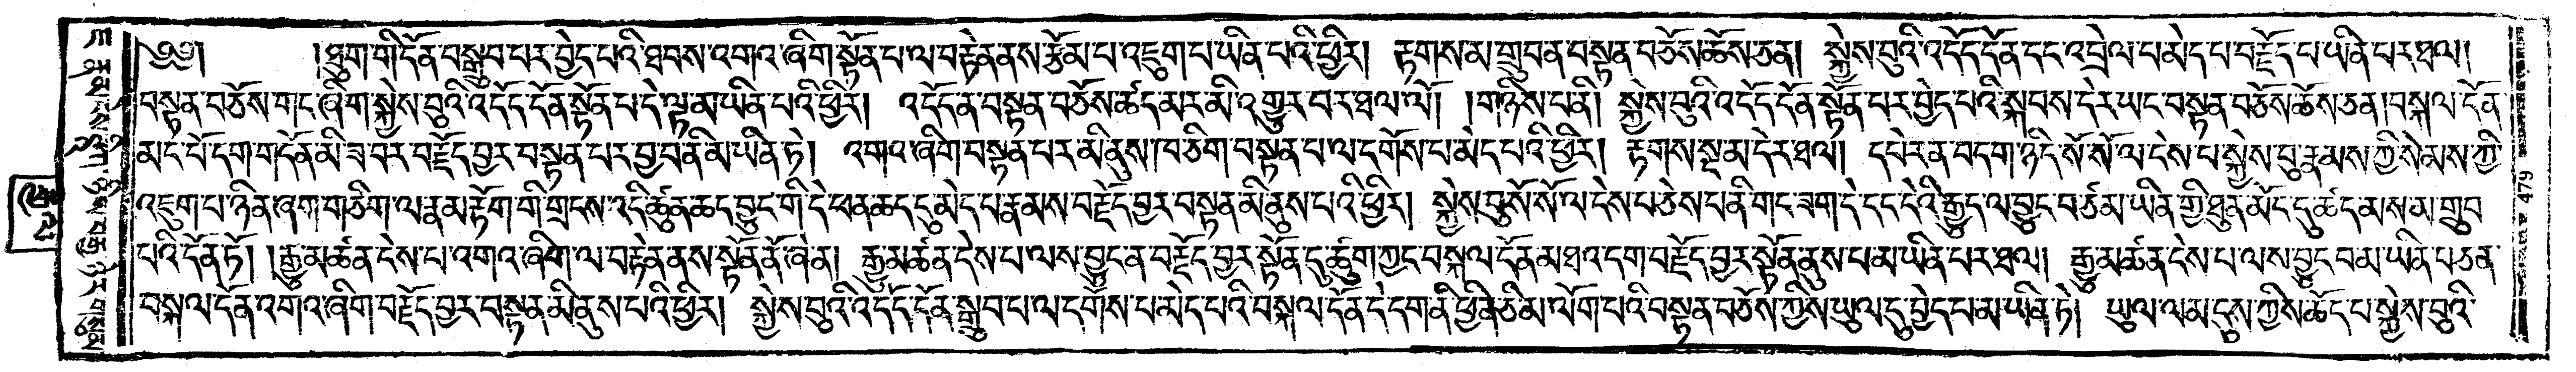༄༅། །ཐུག་གི་དོན་བསྒྲུབ་པར་བྱེད་པའི་ཐབས་འགའ་ཞིག་སྟོན་པ་ལ་བརྟེན་ནས་རྩོམ་པ་འཇུག་པ་ཡིན་པའི་ཕྱིར། རྟགས་མ་གྲུབ་ན་བསྟན་བཅོས་ཆོས་ཅན། སྐྱེས་བུའི་འདོད་དོན་དང་འབྲེལ་པ་མེད་པ་བརྗོད་པ་ཡིན་པར་ཐལ།
བསྟན་བཅོས་གང་ཞིག་སྐྱེས་བུའི་འདོད་དོན་སྟོན་པ་དེ་ལྟ་མ་ཡིན་པའི་ཕྱིར། འདོད་ན་བསྟན་བཅོས་ཚད་མར་མི་འགྱུར་བར་ཐལ་ལོ། །གཉིས་པ་ནི། སྐྱེས་བུའི་འདོད་དོན་སྟོན་པར་བྱེད་པའི་སྐབས་དེར་ཡང་བསྟན་བཅོས་ཆོས་ཅན། བསྐལ་དོན་
མང་པོ་དག་གདོན་མི་ཟ་བར་བརྗོད་བྱར་བསྟན་པར་བྱ་བ་ནི་མ་ཡིན་ཏེ། འགའ་ཞིག་བསྟན་པར་མི་ནུས་ཁ་ཅིག་བསྟན་པ་ལ་དགོས་པ་མེད་པའི་ཕྱིར། རྟགས་སྔ་མ་དེར་ཐལ། དཔེར་ན་བདག་ཉིད་སོ་སོ་ལ་ངེས་པ་སྐྱེས་བུ་རྣམས་ཀྱི་སེམས་ཀྱི་
འཇུག་པ་ཉིན་ཞག་གཅིག་ལ་རྣམ་རྟོག་གི་གྲངས་འདི་ཚུན་ཆད་བྱུང་གི་དེ་ཕན་ཆད་དུ་མེད་པ་རྣམས་བརྗོད་བྱར་བསྟན་མི་ནུས་པའི་ཕྱིར། སྐྱེས་བུ་སོ་སོ་ལ་ངེས་པ་ཅེས་པ་ནི་གང་ཟག་དེ་དང་དེའི་རྒྱུད་ལ་བྱུང་བ་ཙམ་ཡིན་གྱི་ཐུན་མོང་དུ་ཚད་མས་མ་གྲུབ་
པའི་དོན་ཏོ། །རྒྱུ་མཚན་ངེས་པ་འགའ་ཞིག་ལ་བརྟེན་ནས་སྟོན་ནོ་ཞེ་ན། རྒྱུ་མཚན་དེས་པ་ལས་བྱུང་ན་བརྗོད་བྱར་སྟོན་དུ་ཚུག་ཀྱང་བསྐལ་དོན་མཐའ་དག་བརྗོད་བྱར་སྟོན་ནུས་པ་མ་ཡིན་པར་ཐལ། རྒྱུ་མཚན་ངེས་པ་ལས་བྱུང་བ་མ་ཡིན་པ་ཅན་
བསྐལ་དོན་འགའ་ཞིག་བརྗོད་བྱར་བསྟན་མི་ནུས་པའི་ཕྱིར། སྐྱེས་བུའི་འདོད་དོན་སྒྲུབ་པ་ལ་དགོས་པ་མེད་པའི་བསྐལ་དོན་དེ་དག་ནི་ཕྱིན་ཅི་མ་ལོག་པའི་བསྟན་བཅོས་ཀྱིས་ཡུལ་དུ་བྱེད་པ་མ་ཡིན་ཏེ། ཡུལ་ལམ་དུས་ཀྱིས་ཆོད་པ་སྐྱེས་བུའི་